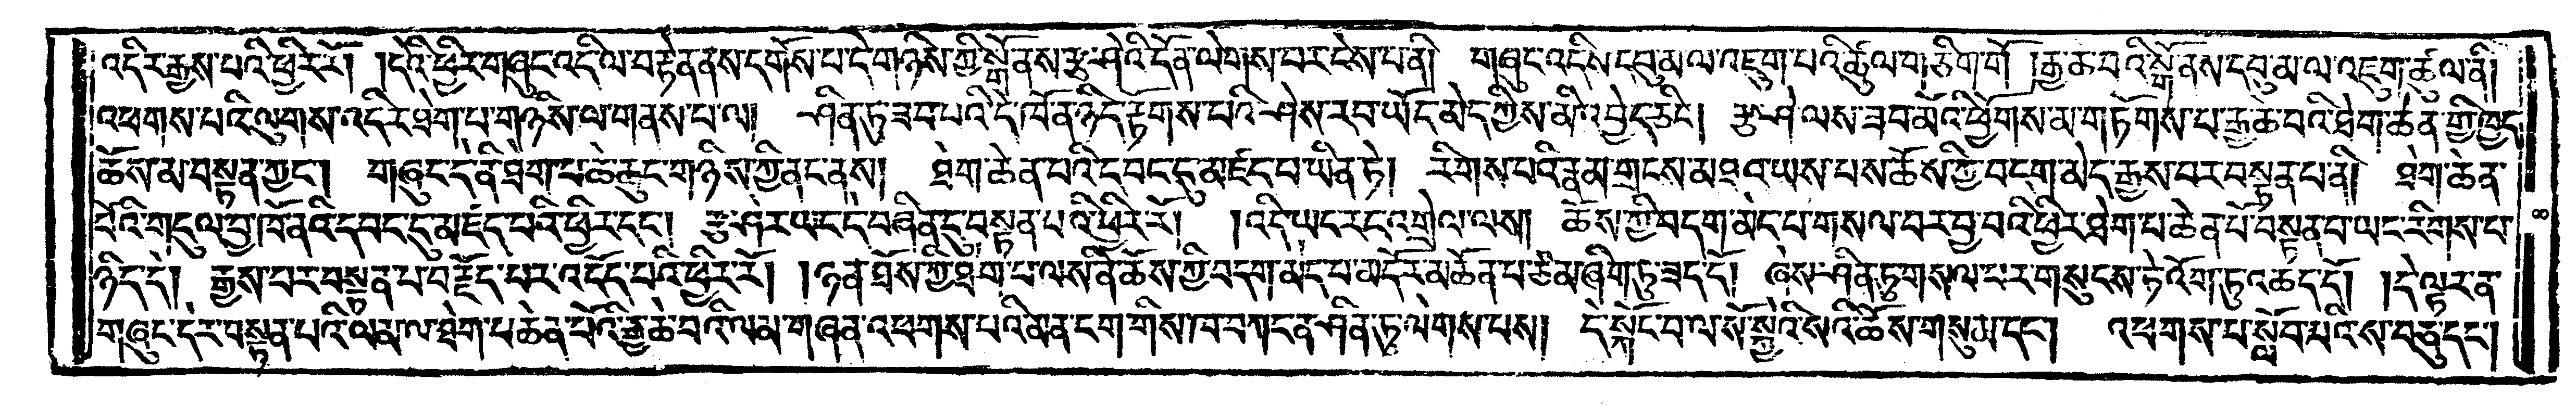འདིར་རྒྱས་པའི་ཕྱིར་རོ། །དེའི་ཕྱིར་གཞུང་འདི་ལ་བརྟེན་ནས་དགོས་པ་དེ་གཉིས་ཀྱི་སྒོ་ནས་རྩ་ཤེའི་དོན་ལེགས་པར་ངེས་པ་ནི། གཞུང་འདིས་དབུ་མ་ལ་འཇུག་པའི་ཚུལ་གཅིག་གོ །རྒྱ་ཆེ་བའི་སྒོ་ནས་དབུ་མ་ལ་འཇུག་ཚུལ་ནི།
འཕགས་པའི་ལུགས་འདིར་ཐེག་པ་གཉིས་ལ་གནས་པ་ལ། ཤིན་ཏུ་ཟབ་པའི་དེ་ཁོ་ན་ཉིད་རྟོགས་པའི་ཤེས་རབ་ཡོད་མེད་ཀྱིས་མི་འབྱེད་ཅིང་། རྩ་ཤེ་ལས་ཟབ་མོའི་ཕྱོགས་མ་གཏོགས་པ་རྒྱ་ཆེ་བའི་ཐེག་ཆེན་གྱི་ཁྱད་
ཆོས་མ་བསྟན་ཀྱང་། གཞུང་དེ་ནི་ཐེག་པ་ཆེ་ཆུང་གཉིས་ཀྱི་ནང་ནས། ཐེག་ཆེན་པའི་དབང་དུ་མཛད་པ་ཡིན་ཏེ། རིགས་པའི་རྣམ་གྲངས་མཐའ་ཡས་པས་ཆོས་ཀྱི་བདག་མེད་རྒྱས་པར་བསྟན་པ་ནི། ཐེག་ཆེན་
པའི་གདུལ་བྱ་ཁོ་ནའི་དབང་དུ་མཛད་པའི་ཕྱིར་དང་། རྩ་ཤེར་ཡང་དེ་བཞིན་དུ་བསྟན་པའི་ཕྱིར་རོ། །འདི་ཡང་རང་འགྲེལ་ལས། ཆོས་ཀྱི་བདག་མེད་པ་གསལ་བར་བྱ་བའི་ཕྱིར་ཐེག་པ་ཆེན་པོ་བསྟན་པ་ཡང་རིགས་པ་
ཉིད་དེ། རྒྱས་པར་བསྟན་པ་བརྗོད་པར་འདོད་པའི་ཕྱིར་རོ། །ཉན་ཐོས་ཀྱི་ཐེག་པ་ལས་ནི་ཆོས་ཀྱི་བདག་མེད་པ་མདོར་མཚོན་པ་ཙམ་ཞིག་ཏུ་ཟད་དོ། །ཞེས་ཤིན་ཏུ་གསལ་བར་གསུངས་ཏེ་འོག་ཏུ་འཆད་དོ། །དེ་ལྟར་ན་
གཞུང་དེར་བསྟན་པའི་ལམ་ལ་ཐེག་པ་ཆེན་པོའི་རྒྱ་ཆེ་བའི་ལམ་གཞན་འཕགས་པའི་མན་ངག་གིས་ཁ་བཀང་ན་ཤིན་ཏུ་ལེགས་པས། དེ་སྐོང་བ་ལ་སོ་སྐྱེའི་སའི་ཆོས་གསུམ་དང་། འཕགས་པ་སློབ་པའི་ས་བཅུ་དང་།